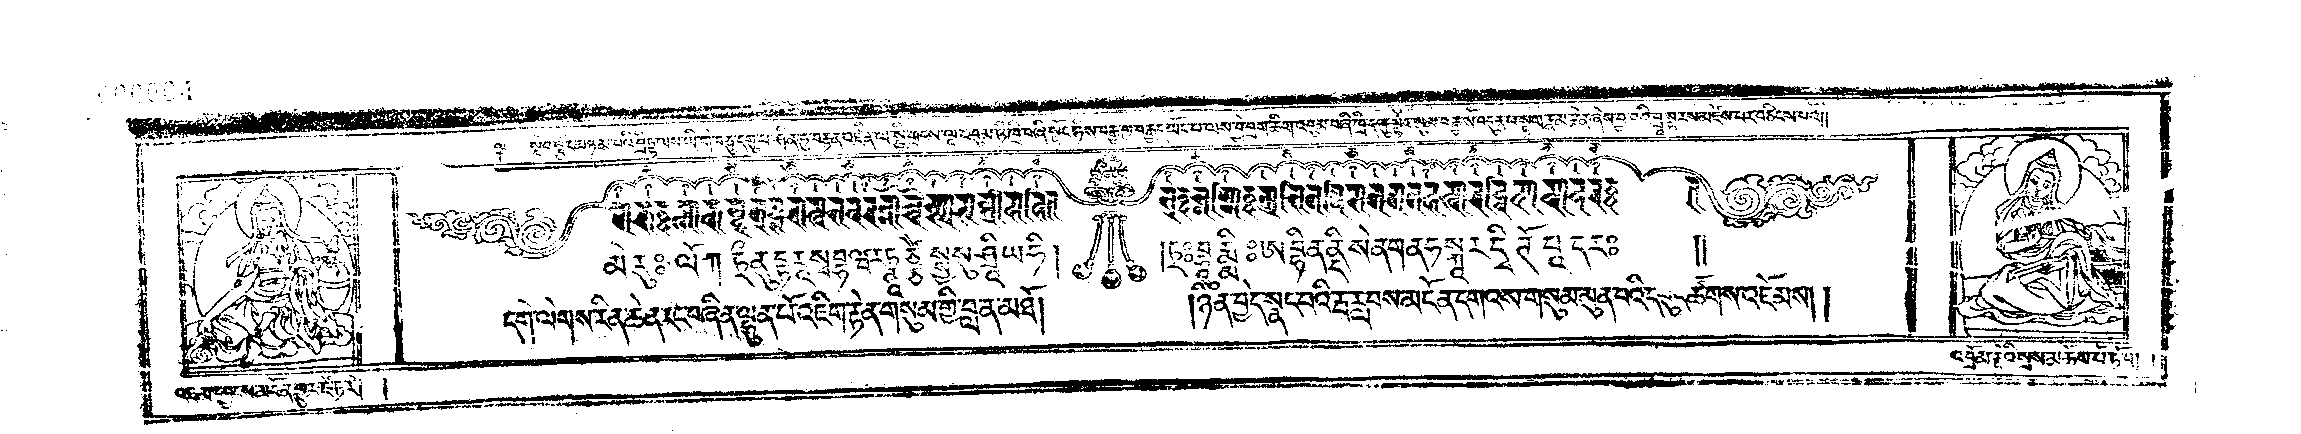༈ སྡེབ་སྦྱོར་མཉམ་པའི་བྲི་ལྟ་ལས་མི་གེ་བཅུ་དགུ་པ་ཤིན་ཏུ་བརྟན་འཛིན་པ་སྤྱི་གྲངས་ལྔ་འདུས་ཉི་ཁྲི་བཞི་སྟོང་ཉིས་བརྒྱ་བྱ་བརྒྱད་ཡོད་པ་ལས་བྱེ་བྲག་ཆིག་འབུམ་བཞི་ཁྲི་དགུ་སྟོང་སུམ་བརྒྱ་སོ་བདུན་པ་སྟག་རྣམ་རྩེན་ཞེས་བྱ་བའི་པྲཱ་སྟབས་མཛེས་པར་བཅིངས་པའོ།།
མེ་རུཿ ལོ་ཀ་ཏྲྀ་ནུ་དྟ་རཱ་སྭ་བྷ་ཝ་རཏྣཱ་ཙྩཻ་སྶྱ་སུ་ཤྲཱི་ཡ་ཧི། །ཏྲཿ བྷཱུ་རྨྨིཿ ཨ་བྷིན་ནྡི་སེན་གན་ཧ་སྐཱར་དྭི་ཊོ་པཱ་དརཿ །།
དགེ་ལེགས་རིན་ཆེན་རང་བཞིན་ལྷུན་པོ་འཇིག་རྟེན་གསུམ་གྱི་བླ་ན་མཐོ། །ཉིན་བྱེད་སྣང་བའི་རྦ་རླབས་མངོན་དགའ་ས་གསུམ་མུན་པའི་དཔུང་ཚོགས་འཇོམས། །